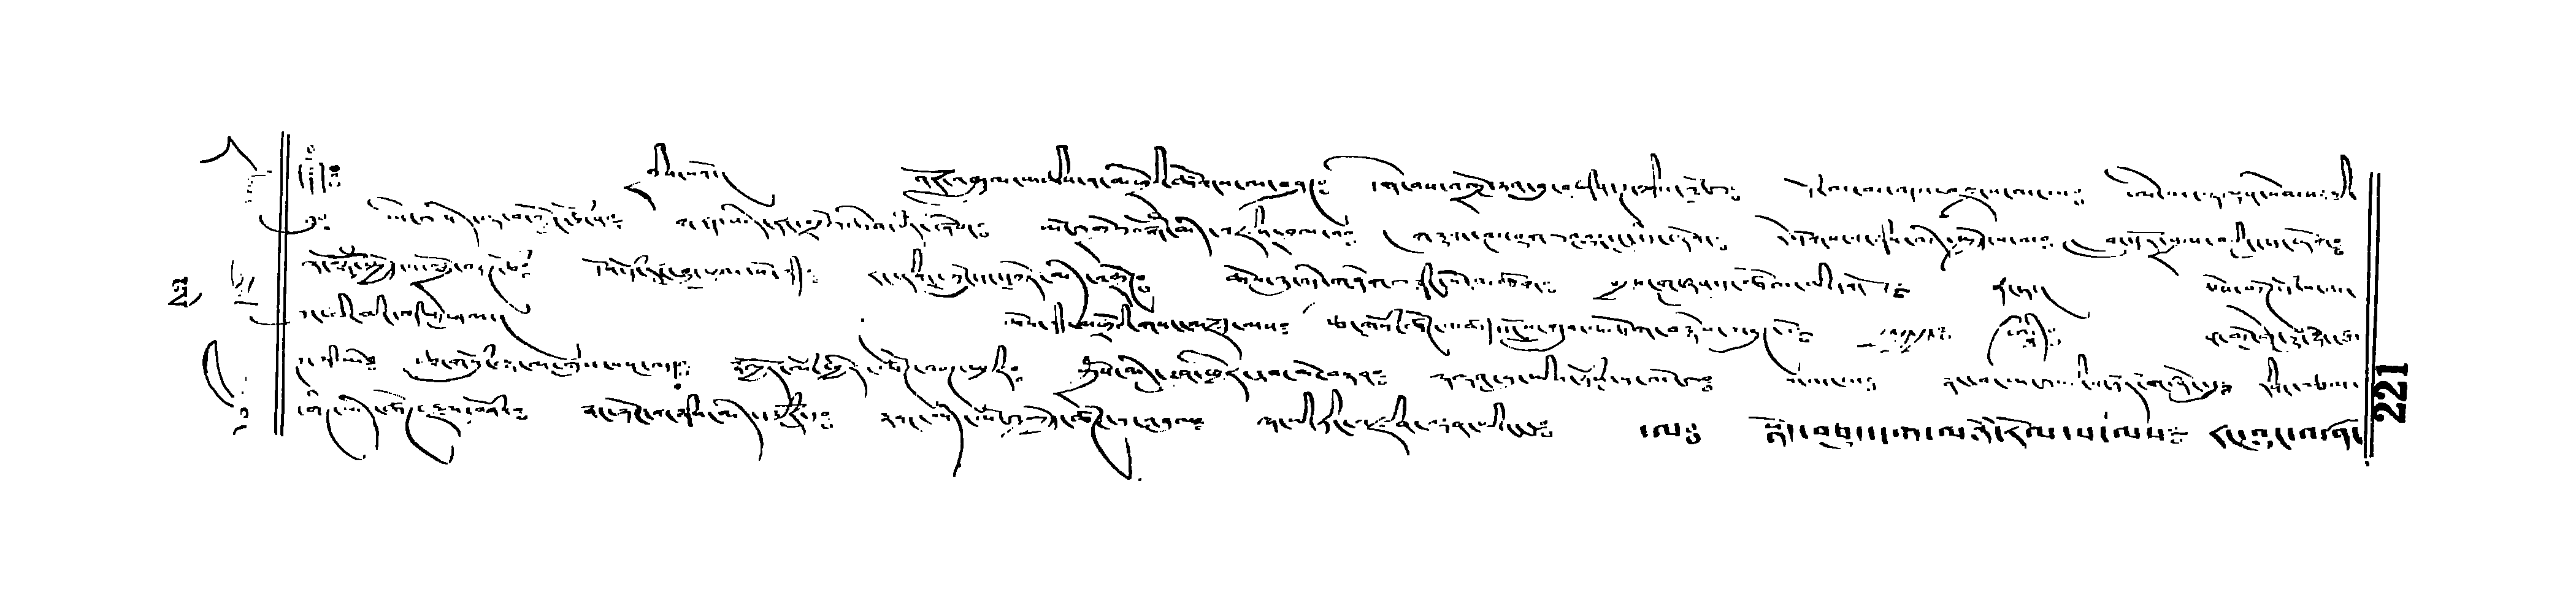བྲིས་པའོ།། ནོར་འཁྲུལ་མཆིས་ན་མཁའ་འགྲོའི་ཚོགས་ལ་བཤགས༔ དགེ་བས་འགྲོ་ཀུན་བུ་བཞིན་ཌཱ་ཀིས་སྐྱོངས༔ དམ་ལ་མ་འདའ་བཛྲ་ས་མ་ཡ༔ ཨེ་མ་སྐལ་ལྡན་སེམས་ཀྱི་
བུ༔ ཡེངས་མེད་ལྟ་བ་སྐྱོང་ཙམ་ན༔ གཏད་མེད་རང་གྲོལ་ཆེན་པོར་ཞོག༔ ཡོངས་གྲོལ་སྒོམ་མེད་འཛིན་བྲལ་བ༔ གཉུག་མ་ཤུགས་འབྱུང་ངང་དུ་ཞོག༔ རེ་དོགས་གཉིས་མེད་སྤྱོད་པ་ལ༔ བླ་དོར་བྲལ་བའི་ངང་དུ་ཞོག༔ 
ལྟ་སྒོམ་སྤྱོད་པ་སྒྲོ་བཏགས་ཙམ༔ དོན་དམ་རང་བྱུང་རྒྱལ་པོ་ཉིད༔ རང་རིག་སློང་དང་དབྱེར་མེད་འགྲོགསཿ ཆོས་སྐུ་བདེ་གཤེགས་སྙིང་པོ་མཆོག༔ སངས་རྒྱས་གཞན་དུ་འཚོལ་མི་དགོས༔ ཧ་ཧ། ཆོས་གྲོགས་དམ་པ་ལ་
སུ་ཁའི་མིང་གིས་ཕུལ།། ཆོས་ཉིད་མཁའ་འགྲོའི་གསང་མཛོད་ལས༔ རྩ་གསུམ་ཚོགས་མཆོད་དངོས་གྲུབ་མཆོག་བརྙེས་བཞུགས་སོ༔ རྒྱ་རྒྱ་རྒྱཿ ༔ ན་མོ་གུ་རུ་དྷེ་ཝ་
ཌཱ་ཀི་ཡེ༔ རྩ་གསུམ་ལྷ་ལ་གུས་པས་འདུད༔ རྣལ་འབྱོར་ལམ་ཁྱེར་ཚོགས་བསོག་ཕྱིར༔ སྤྲོས་མེད་རྒྱུན་ཁྱེར་ཟབ་མོ་བསྟན༔ སྐལ་ལྡན་བུ་ཡིས་ཉམས་སུ་ལོངས༔ ས་མ་ཡ༔ སྣང་བ་ཡངས་པའི་གཏོར་གཞོང་དུ༔ རིག་རྩལ་
འགག་མེད་ཚོགས་རྫས་བཤམས༔ སྣང་སྟོང་གཉིས་མེད་དཀྱིལ་འཁོར་དུ༔ ཟག་མེད་ལོངས་སྤྱོད་ཚོགས་སུ་འབུལ༔ ལྷ་ཡི་ཏིང་འཛིན་ལྡན་པའི་ངང༔ ཨཱཿ སྣོད་བཅུད་དག་མཉམ་རོལ་པ་ལས༔ རང་བྱུང་མཚན་